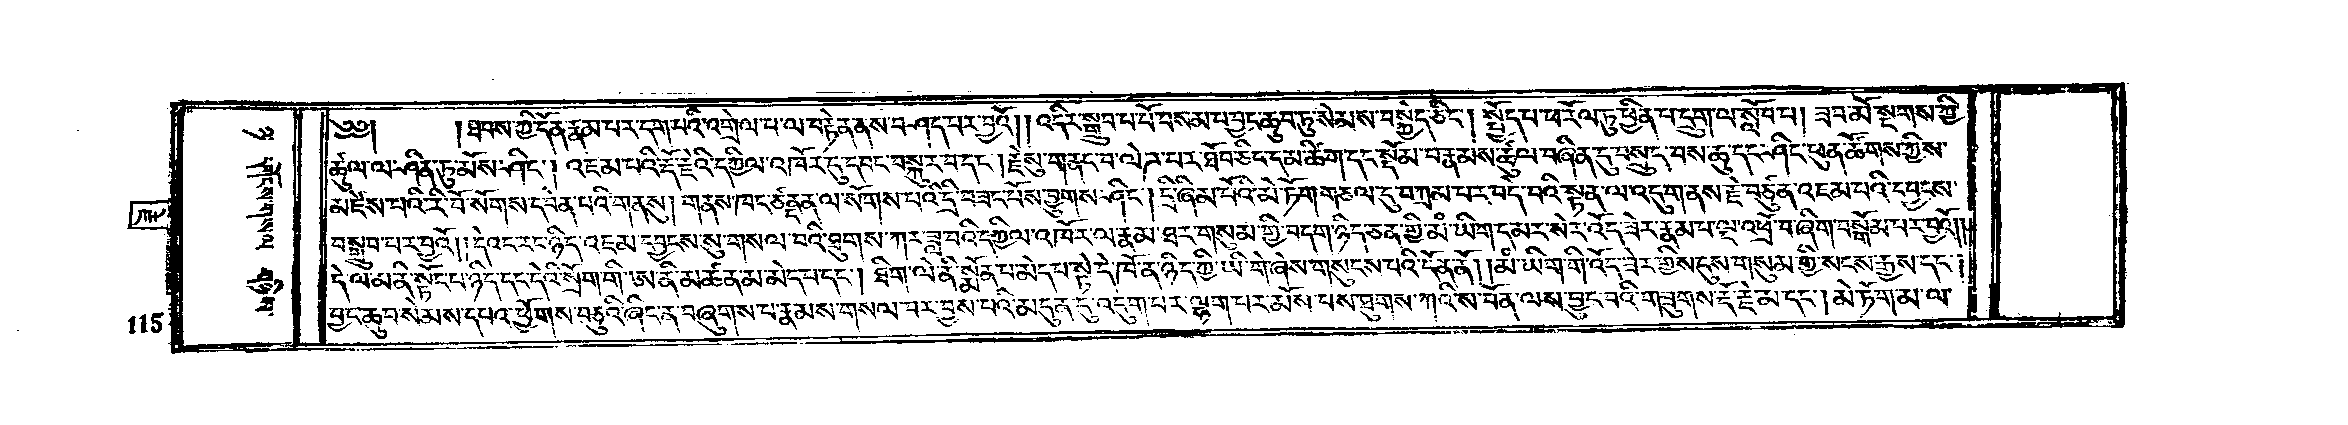༄༅། །ཐབས་ཀྱི་དོན་རྣམ་པར་དག་པའི་འགྲེལ་པ་ལ་བརྟེན་ནས་བཤད་པར་བྱའོ། །འདིར་སྒྲུབ་པ་པོ་བསམ་པ་བྱང་ཆུབ་ཏུ་སེམས་བསྐྱེད་ཅིང་། སྤྱོད་པ་ཕ་རོལ་ཏུ་ཕྱིན་པ་དྲུག་ལ་སློབ་པ། ཟབ་མོ་སྔགས་ཀྱི་
ཚུལ་ལ་ཤིན་ཏུ་མོས་ཤིང་། འཇམ་པའི་རྡོ་རྗེའི་དཀྱིལ་འཁོར་དུ་དབང་བསྐུར་བ་དང་། རྗེས་སུ་གནང་བ་ལེགས་པར་ཐོབ་ཅིང་དམ་ཚིག་དང་སྡོམ་པ་རྣམས་ཚུལ་བཞིན་དུ་བསྲུང་བས་ཆུ་དང་ཤིང་ཕུན་ཚོགས་ཀྱིས་
མཛེས་པའི་རི་བོ་སོགས་དབེན་པའི་གནས་སུ། གནས་ཁང་ཙནྡན་ལ་སོགས་པའི་དྲི་བཟང་པོས་བྱུགས་ཤིང་། དྲི་ཞིམ་པོའི་མེ་ཏོག་གཅལ་དུ་བཀྲམ་པར་བདེ་བའི་སྟན་ལ་འདུག་ནས་རྗེ་བཙུན་འཇམ་པའི་དབྱངས་
བསྒྲུབ་པར་བྱའོ། །དེའང་རང་ཉིད་འཇམ་དབྱངས་སུ་གསལ་བའི་ཐུགས་ཀར་ཟླ་བའི་དཀྱིལ་འཁོར་ལ་རྣམ་ཐར་གསུམ་གྱི་བདག་ཉིད་ཅན་གྱི་མཾ་ཡིག་དམར་སེར་འོད་ཟེར་རྣམ་པ་ལྔ་འཕྲོ་བ་ཞིག་བསྒོམ་པར་བྱའོ། །
དེ་ལ་མ་ནི་སྟོང་པ་ཉིད་དང་དེའི་སྲོག་གི་ཨ་ནི་མཚན་མ་མེད་པ་དང་། ཐིག་ལེ་ནི་སྨོན་པ་མེད་པ་སྟེ་དེ་ཁོ་ན་ཉིད་ཀྱི་ཡི་གེ་ཞེས་གསུངས་པའི་དོན་ནོ། །མཾ་ཡིག་གི་འོད་ཟེར་གྱིས་དུས་གསུམ་གྱི་སངས་རྒྱས་དང་།
བྱང་ཆུབ་སེམས་དཔའ་ཕྱོགས་བཅུའི་ཞིང་ན་བཞུགས་པ་རྣམས་གསལ་བར་བྱས་པའི་མདུན་དུ་འདུག་པར་ལྷག་པར་མོས་པས་ཐུགས་ཀའི་ས་བོན་ལས་བྱུང་བའི་གཟུགས་རྡོ་རྗེ་མ་དང་། མེ་ཏོག་མ་ལ་